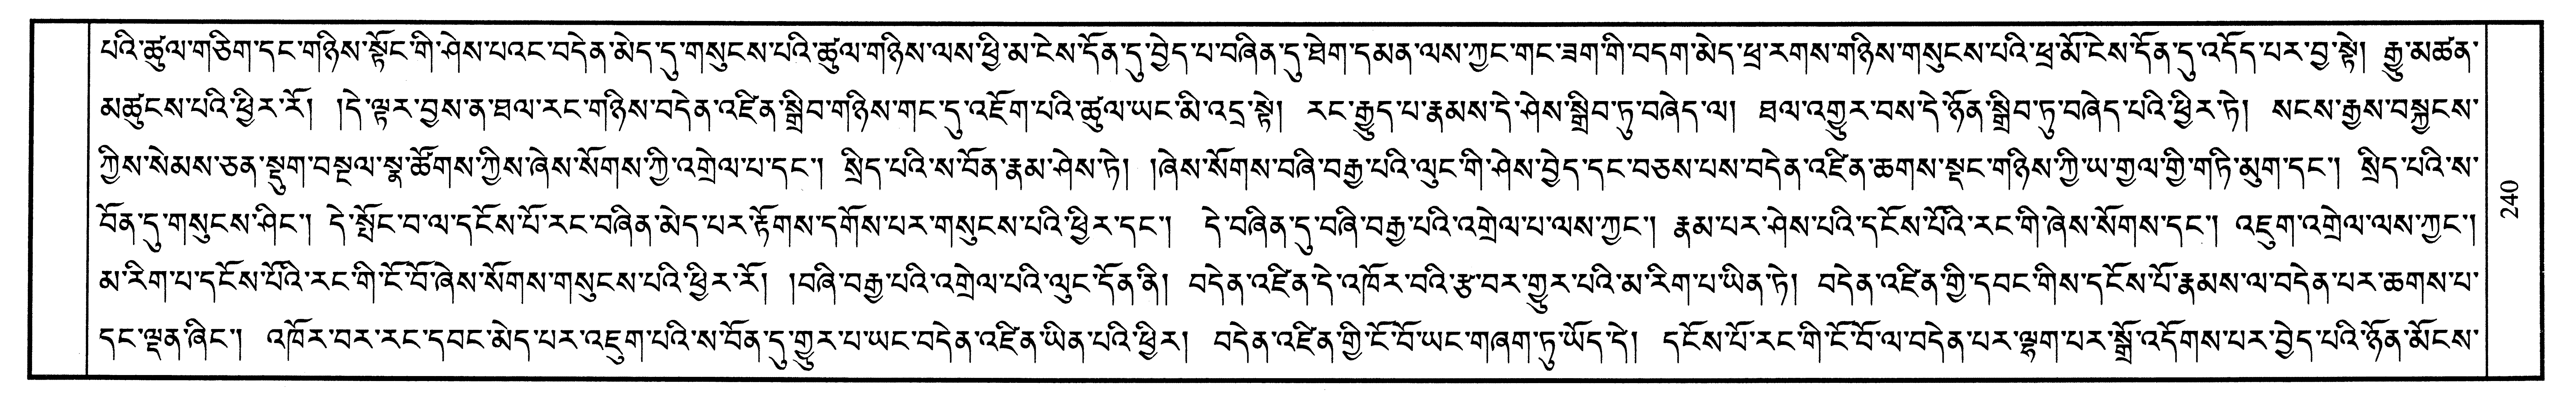པའི་ཚུལ་གཅིག་དང་གཉིས་སྟོང་གི་ཤེས་པའང་བདེན་མེད་དུ་གསུངས་པའི་ཚུལ་གཉིས་ལས་ཕྱི་མ་ངེས་དོན་དུ་བྱེད་པ་བཞིན་དུ་ཐེག་དམན་ལས་ཀྱང་གང་ཟག་གི་བདག་མེད་ཕྲ་རགས་གཉིས་གསུངས་པའི་ཕྲ་མོ་ངེས་དོན་དུ་འདོད་པར་བྱ་སྟེ། རྒྱུ་མཚན་
མཚུངས་པའི་ཕྱིར་རོ། །དེ་ལྟར་བྱས་ན་ཐལ་རང་གཉིས་བདེན་འཛིན་སྒྲིབ་གཉིས་གང་དུ་འཇོག་པའི་ཚུལ་ཡང་མི་འདྲ་སྟེ། རང་རྒྱུད་པ་རྣམས་དེ་ཤེས་སྒྲིབ་ཏུ་བཞེད་ལ། ཐལ་འགྱུར་བས་དེ་ཉོན་སྒྲིབ་ཏུ་བཞེད་པའི་ཕྱིར་ཏེ། སངས་རྒྱས་བསྐྱངས་
ཀྱིས་སེམས་ཅན་སྡུག་བསྔལ་སྣ་ཚོགས་ཀྱིས་ཞེས་སོགས་ཀྱི་འགྲེལ་པ་དང་། སྲིད་པའི་ས་བོན་རྣམ་ཤེས་ཏེ། །ཞེས་སོགས་བཞི་བརྒྱ་པའི་ལུང་གི་ཤེས་བྱེད་དང་བཅས་པས་བདེན་འཛིན་ཆགས་སྡང་གཉིས་ཀྱི་ཡ་གྱལ་གྱི་གཏི་མུག་དང་། སྲིད་པའི་ས་
བོན་དུ་གསུངས་ཤིང་། དེ་སྤོང་བ་ལ་དངོས་པོ་རང་བཞིན་མེད་པར་རྟོགས་དགོས་པར་གསུངས་པའི་ཕྱིར་དང་། དེ་བཞིན་དུ་བཞི་བརྒྱ་པའི་འགྲེལ་པ་ལས་ཀྱང་། རྣམ་པར་ཤེས་པའི་དངོས་པོའི་རང་གི་ཞེས་སོགས་དང་། འཇུག་འགྲེལ་ལས་ཀྱང་།
མ་རིག་པ་དངོས་པོའི་རང་གི་ངོ་བོ་ཞེས་སོགས་གསུངས་པའི་ཕྱིར་རོ། །བཞི་བརྒྱ་པའི་འགྲེལ་པའི་ལུང་དོན་ནི། བདེན་འཛིན་དེ་འཁོར་བའི་རྩ་བར་གྱུར་པའི་མ་རིག་པ་ཡིན་ཏེ། བདེན་འཛིན་གྱི་དབང་གིས་དངོས་པོ་རྣམས་ལ་བདེན་པར་ཆགས་པ་
དང་ལྡན་ཞིང་། འཁོར་བར་རང་དབང་མེད་པར་འཇུག་པའི་ས་བོན་དུ་གྱུར་པ་ཡང་བདེན་འཛིན་ཡིན་པའི་ཕྱིར། བདེན་འཛིན་གྱི་ངོ་བོ་ཡང་གཞག་ཏུ་ཡོད་དེ། དངོས་པོ་རང་གི་ངོ་བོ་ལ་བདེན་པར་ལྷག་པར་སྒྲོ་འདོགས་པར་བྱེད་པའི་ཉོན་མོངས་